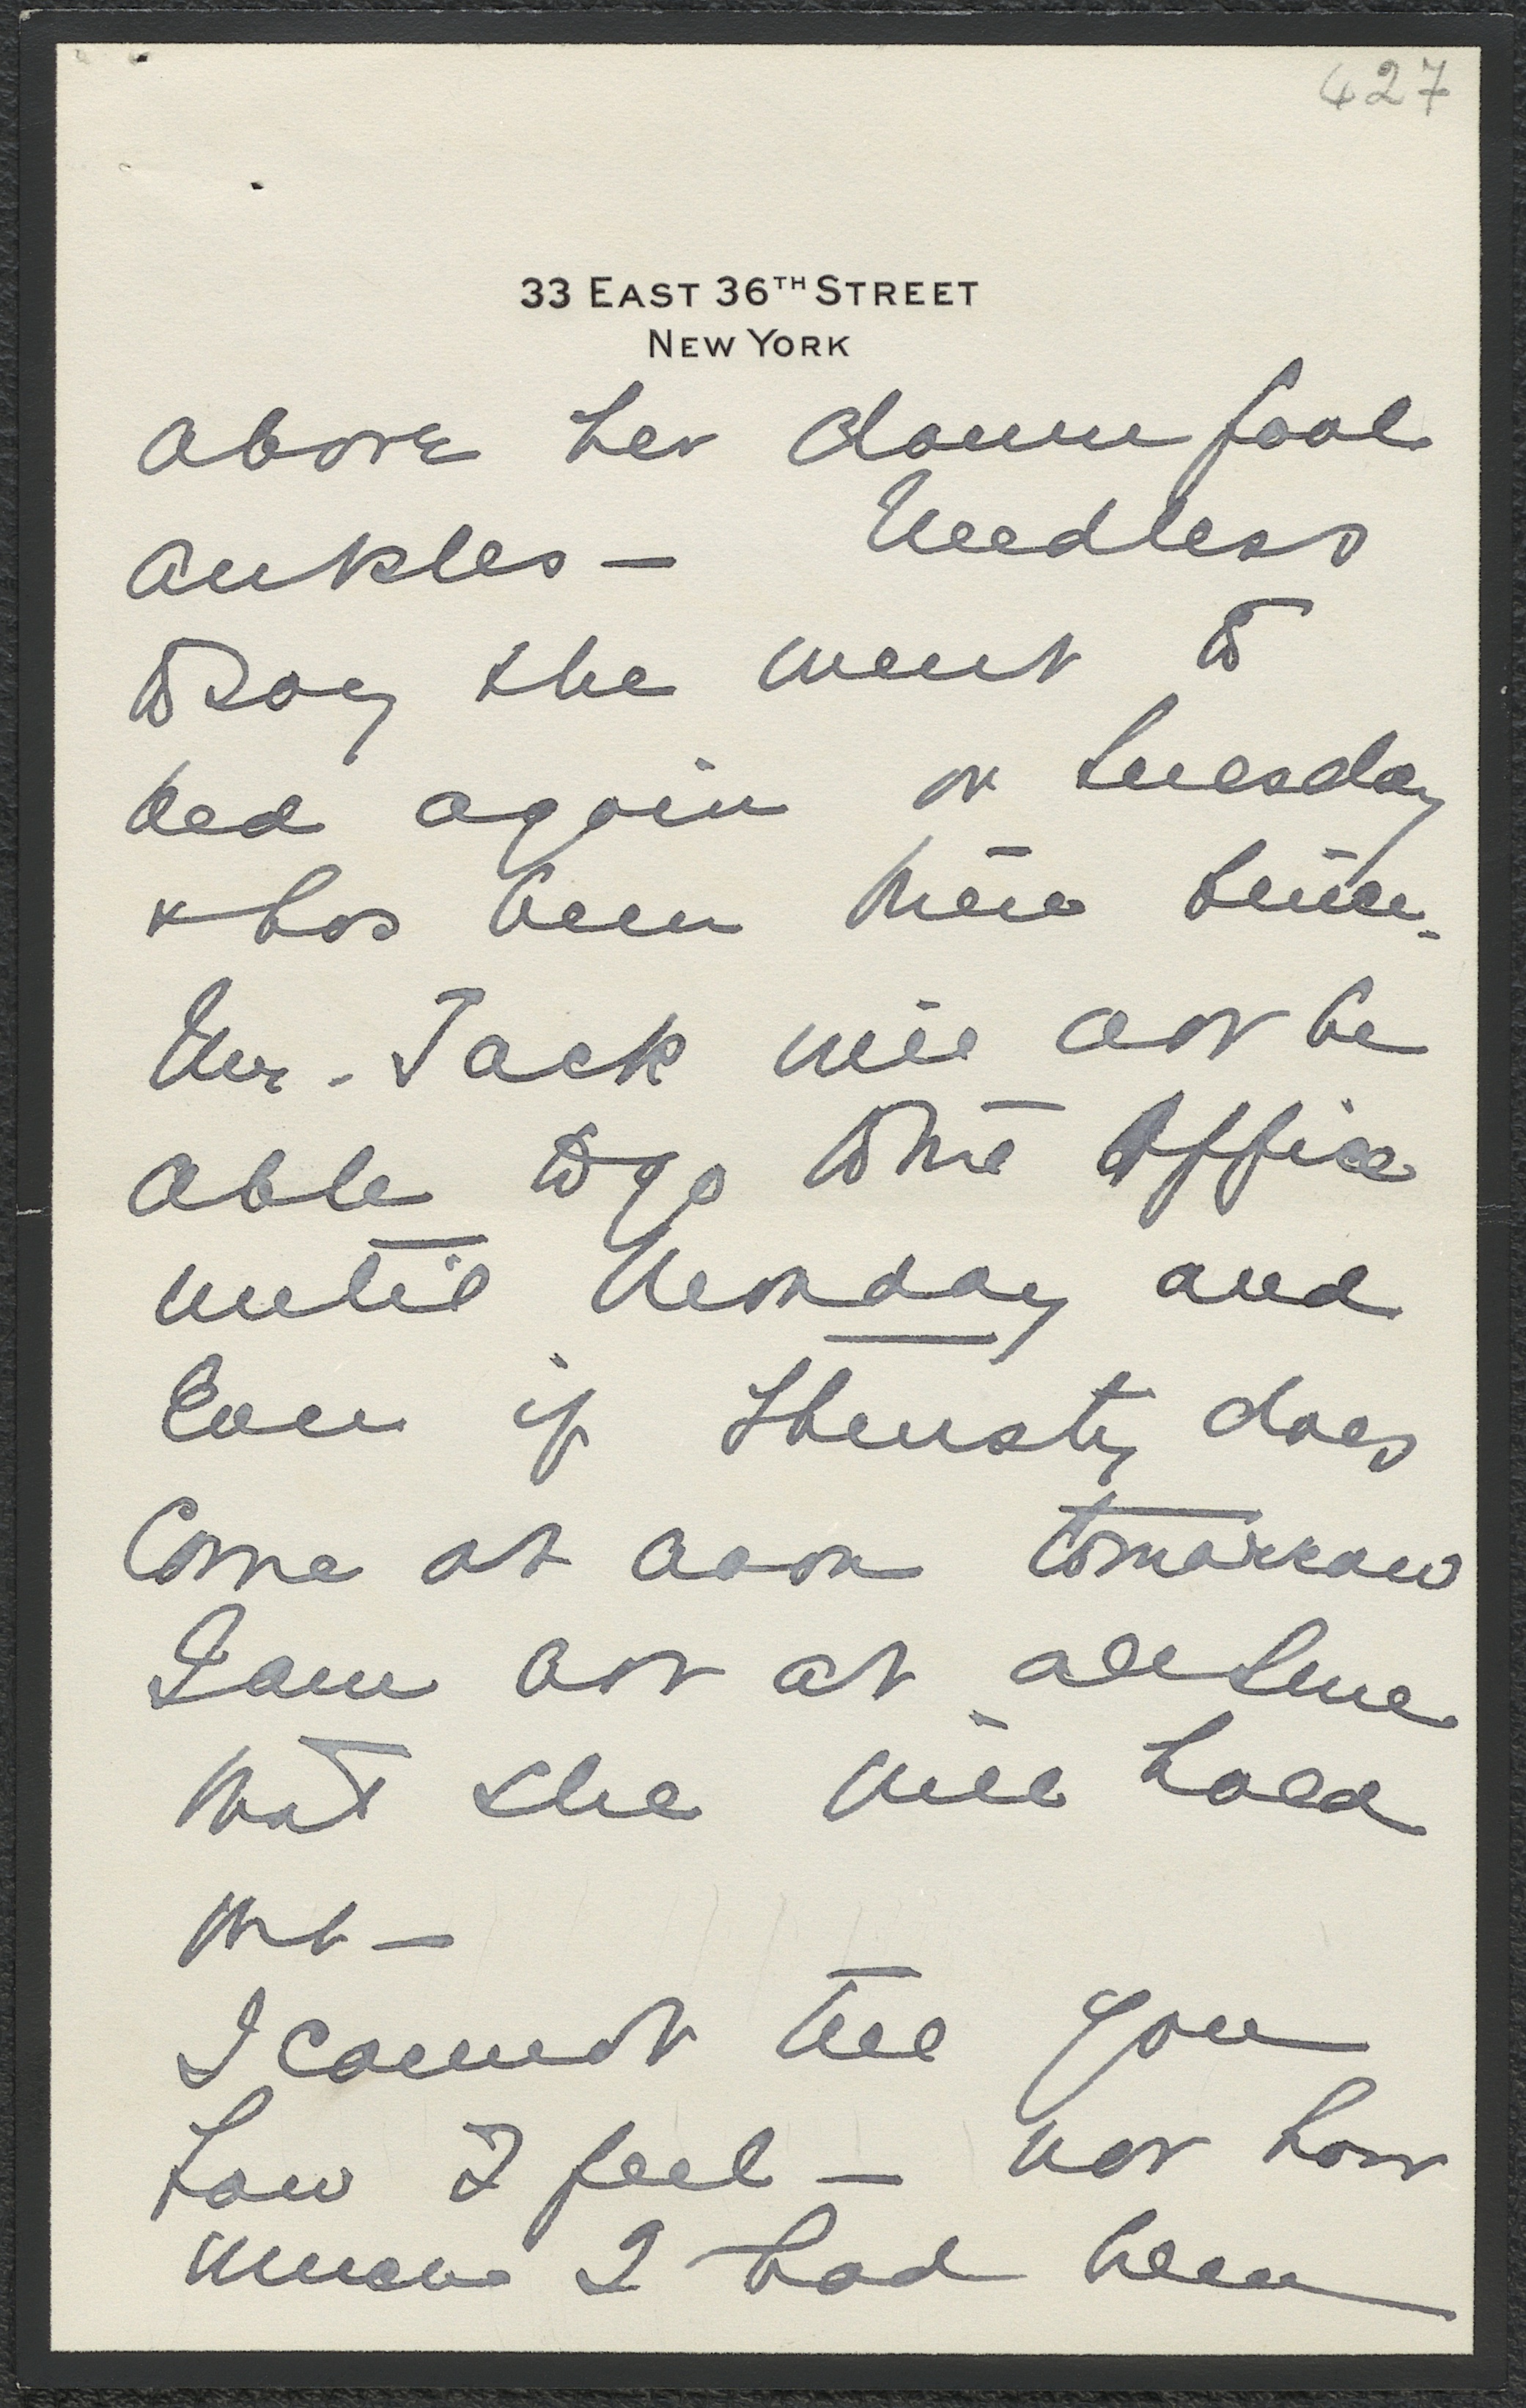above her damn fool ankles – Needless to say she went to bed again on Tuesday & has been there since. Mr. Jack will not be able to go to the office until Monday and even if Thursty does come at noon tomorrow I am not at all sure that she will hold out –
I cannot tell you how I feel – nor how much I had been